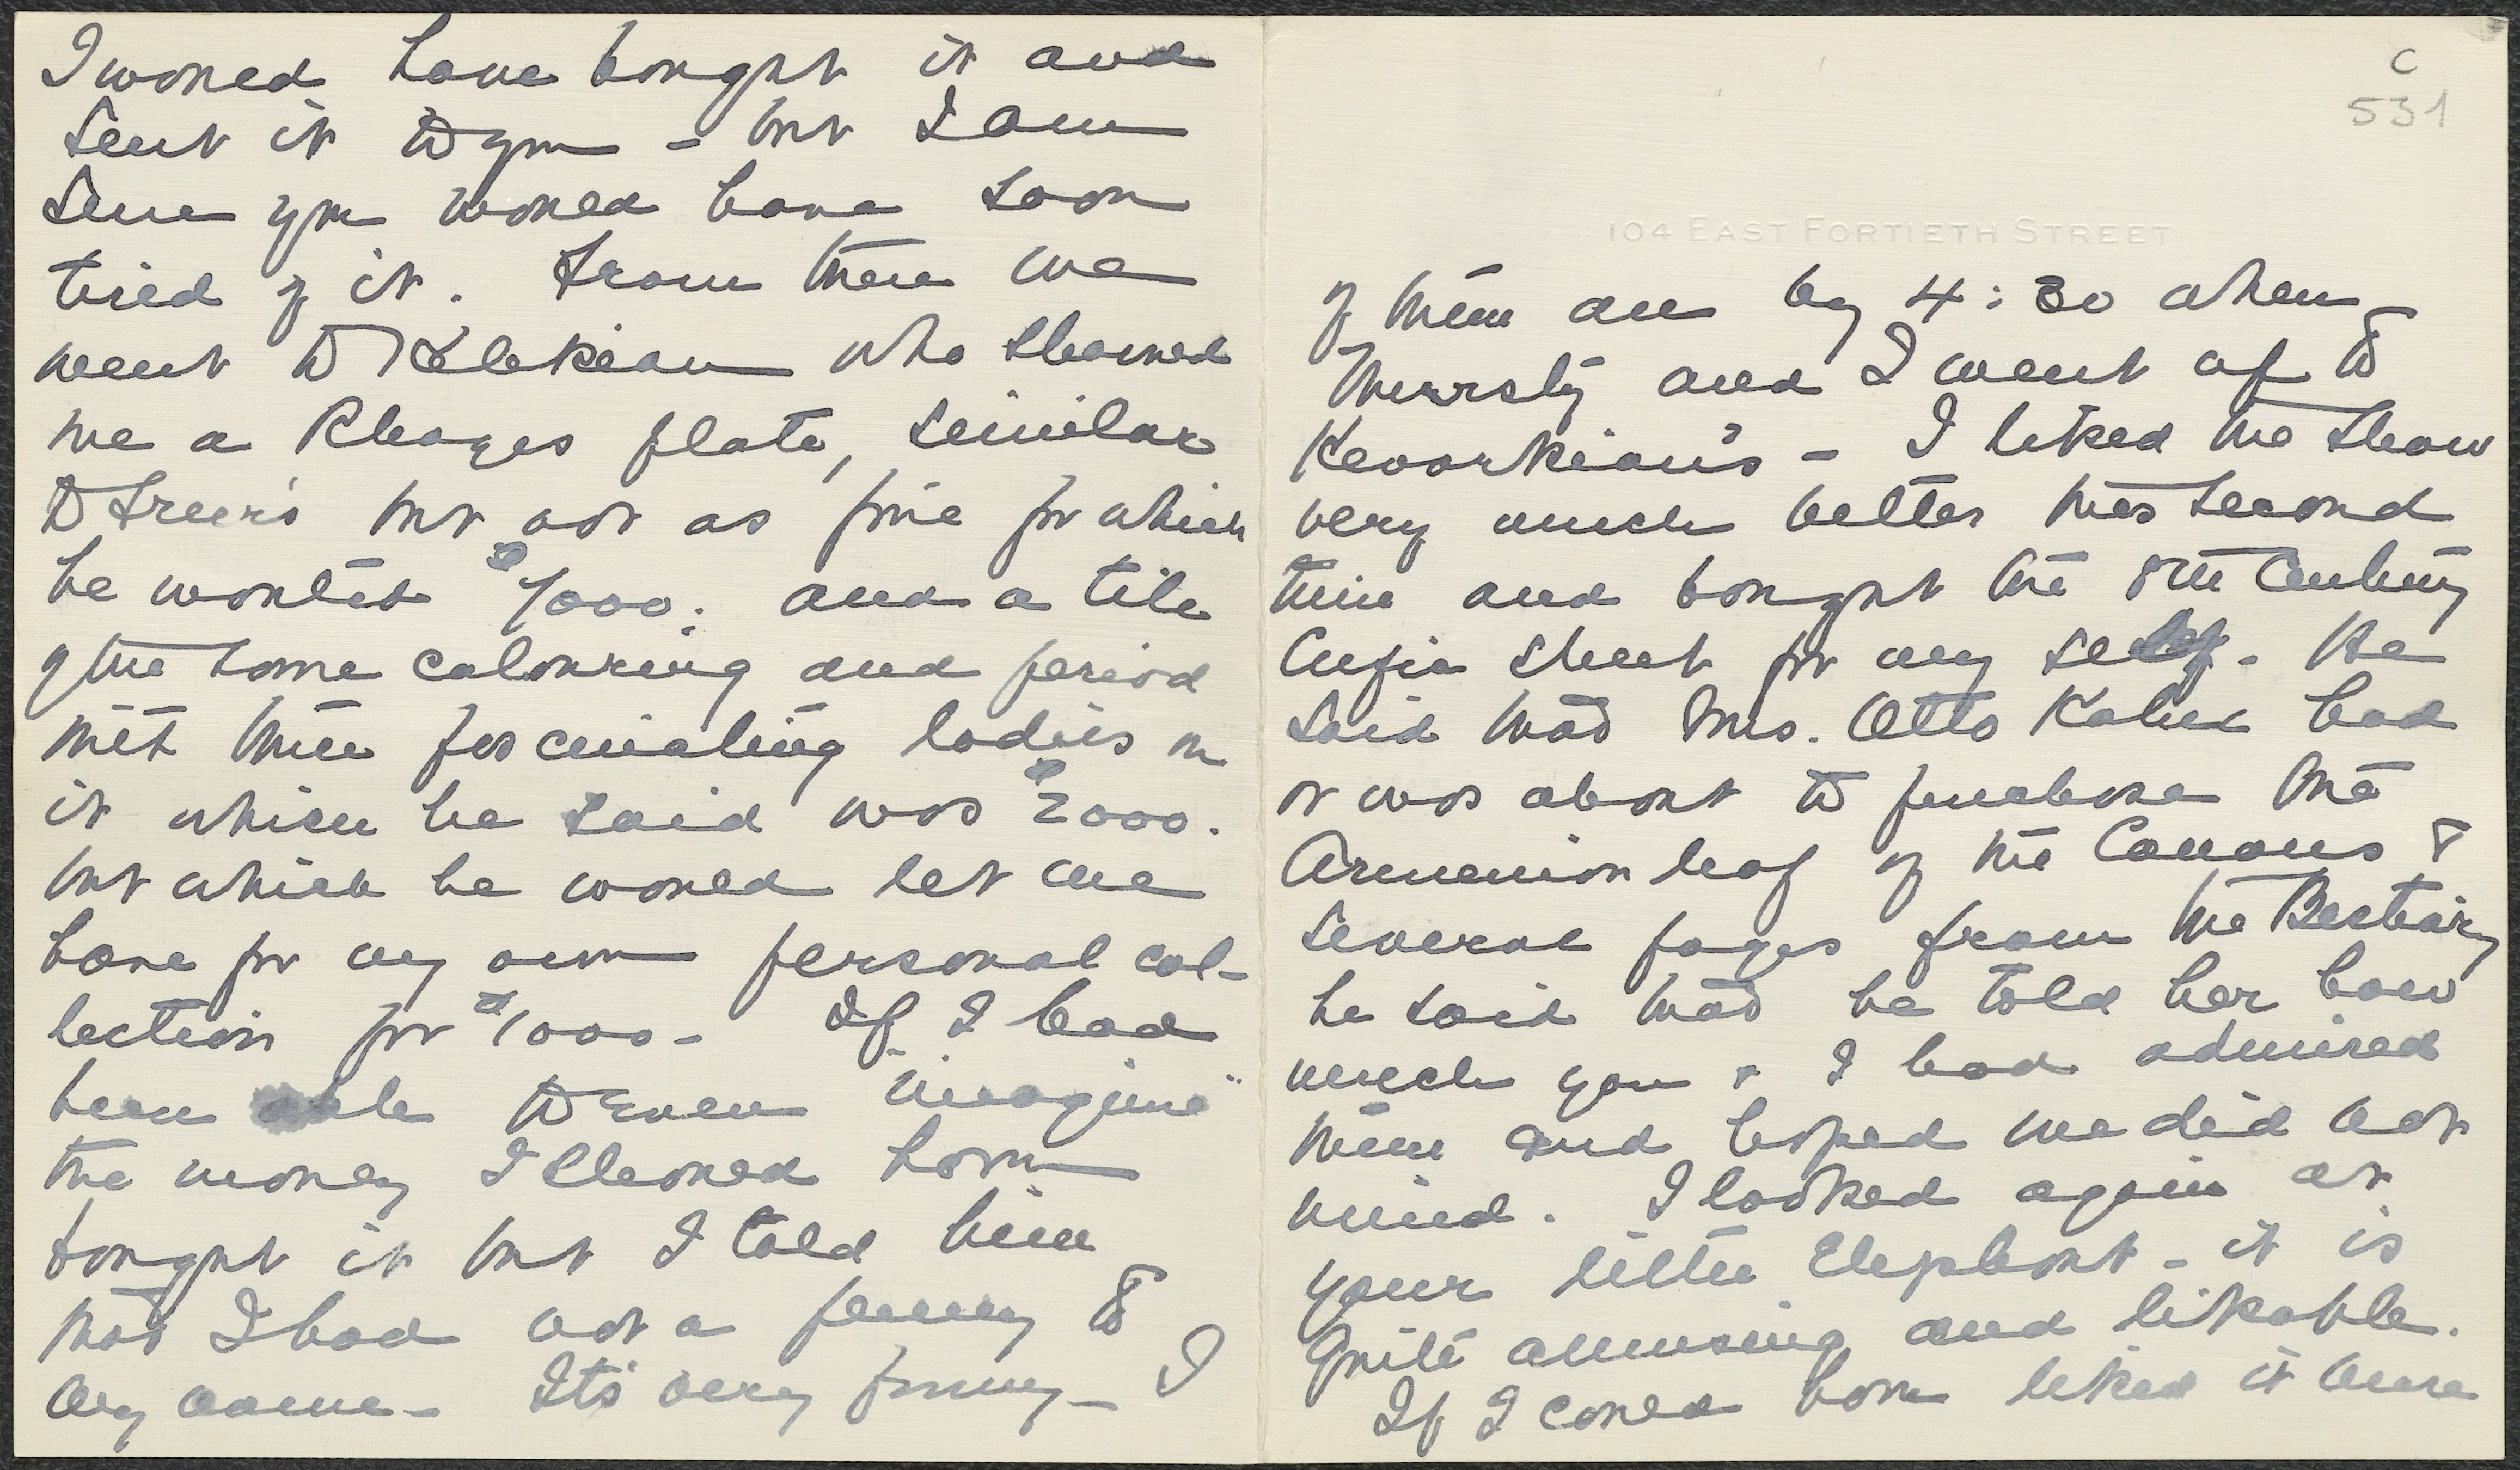of them all by 4:30 when Thursty and I went up to Kevorkian’s – I liked the show very much better this second time and bought the 8th century Cufic sheet for myself – He said that Mrs. Otto Kahn had or was about to purchase the Armenian leaf of the Canons & several pages from the Bestiary he said that he told her how much you & I had admired them and hoped we did not mind. I looked again at your little elephant – it is quite amusing and likable. If I could have liked it more
I would have bought it and sent it to you – but I am sure you would have soon tired of it. From there we went to Kelekian who showed me a Rhoges plate, similar to Freer’s but not as fine for which he wanted $7000; and a tile of the same colouring and period with three fascinating ladies on it which he said was $2000. but which he would let me have for my own personal collection for $1000 – If I had been able to even “imagine” the money I should have bought it but I told him that I had not a penny to my name – It’s very funny – I